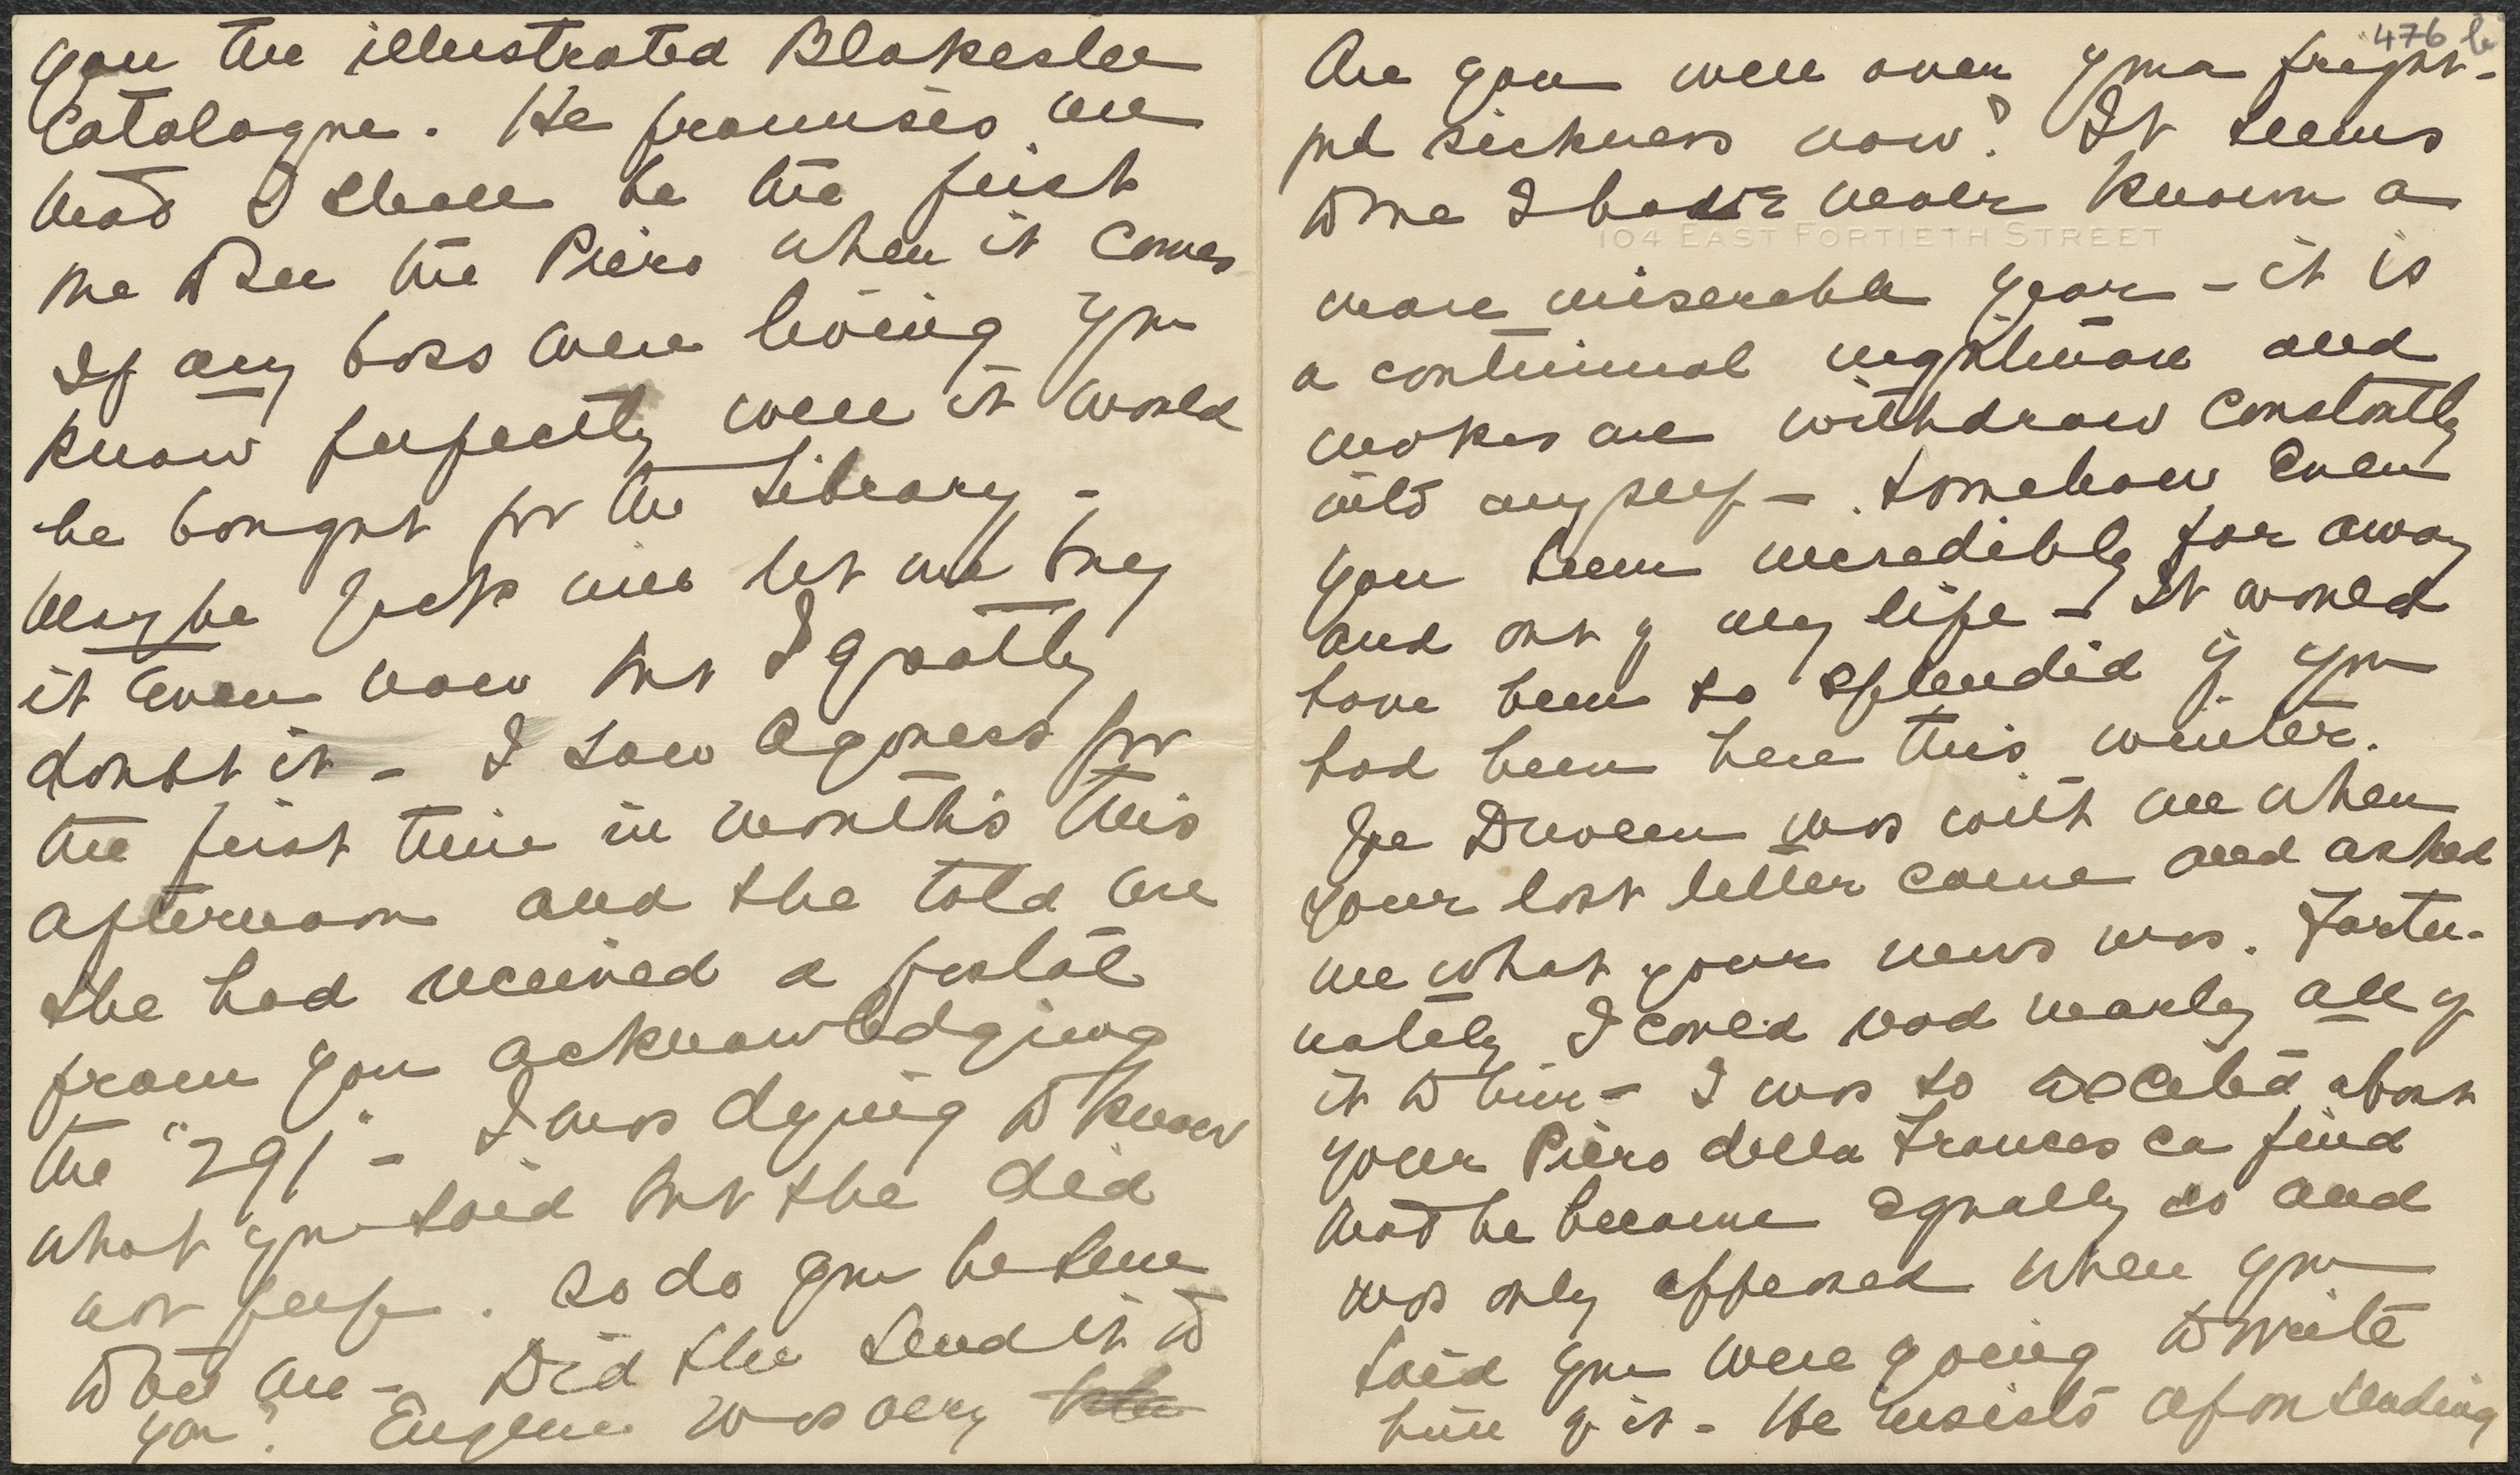Are you well over your frightful sickness now? It seems to me I have never known a more miserable year – it is a continual nightmare and makes me withdraw constantly into myself – Somehow even you seem incredibly far away and out of my life – It would have been so splendid if you had been here this winter. Joe Duveen was with me when your last letter came and asked me what your news was. Fortunately I could read nearly all of it to him – I was so excited about your Piero della Francesca find that he became equally so and was only appeased when you said you were going to write him of it – He insists upon lending
you the illustrated Blakeslee Catalogue. He promises me that I shall be the first one to see the Piero when it comes If my boss were living you know perfectly well it would be bought for the Library – Maybe Jack will let me buy it even now but I greatly doubt it – I saw Agoness for the first time in month’s [sic] this afternoon and she told me she has received a postal from you acknowledging the “291” – I was dying to know what you said but she did not peep. so do you be sure to tell me – Did she send it to you? Eugene was very [illegible deletion]